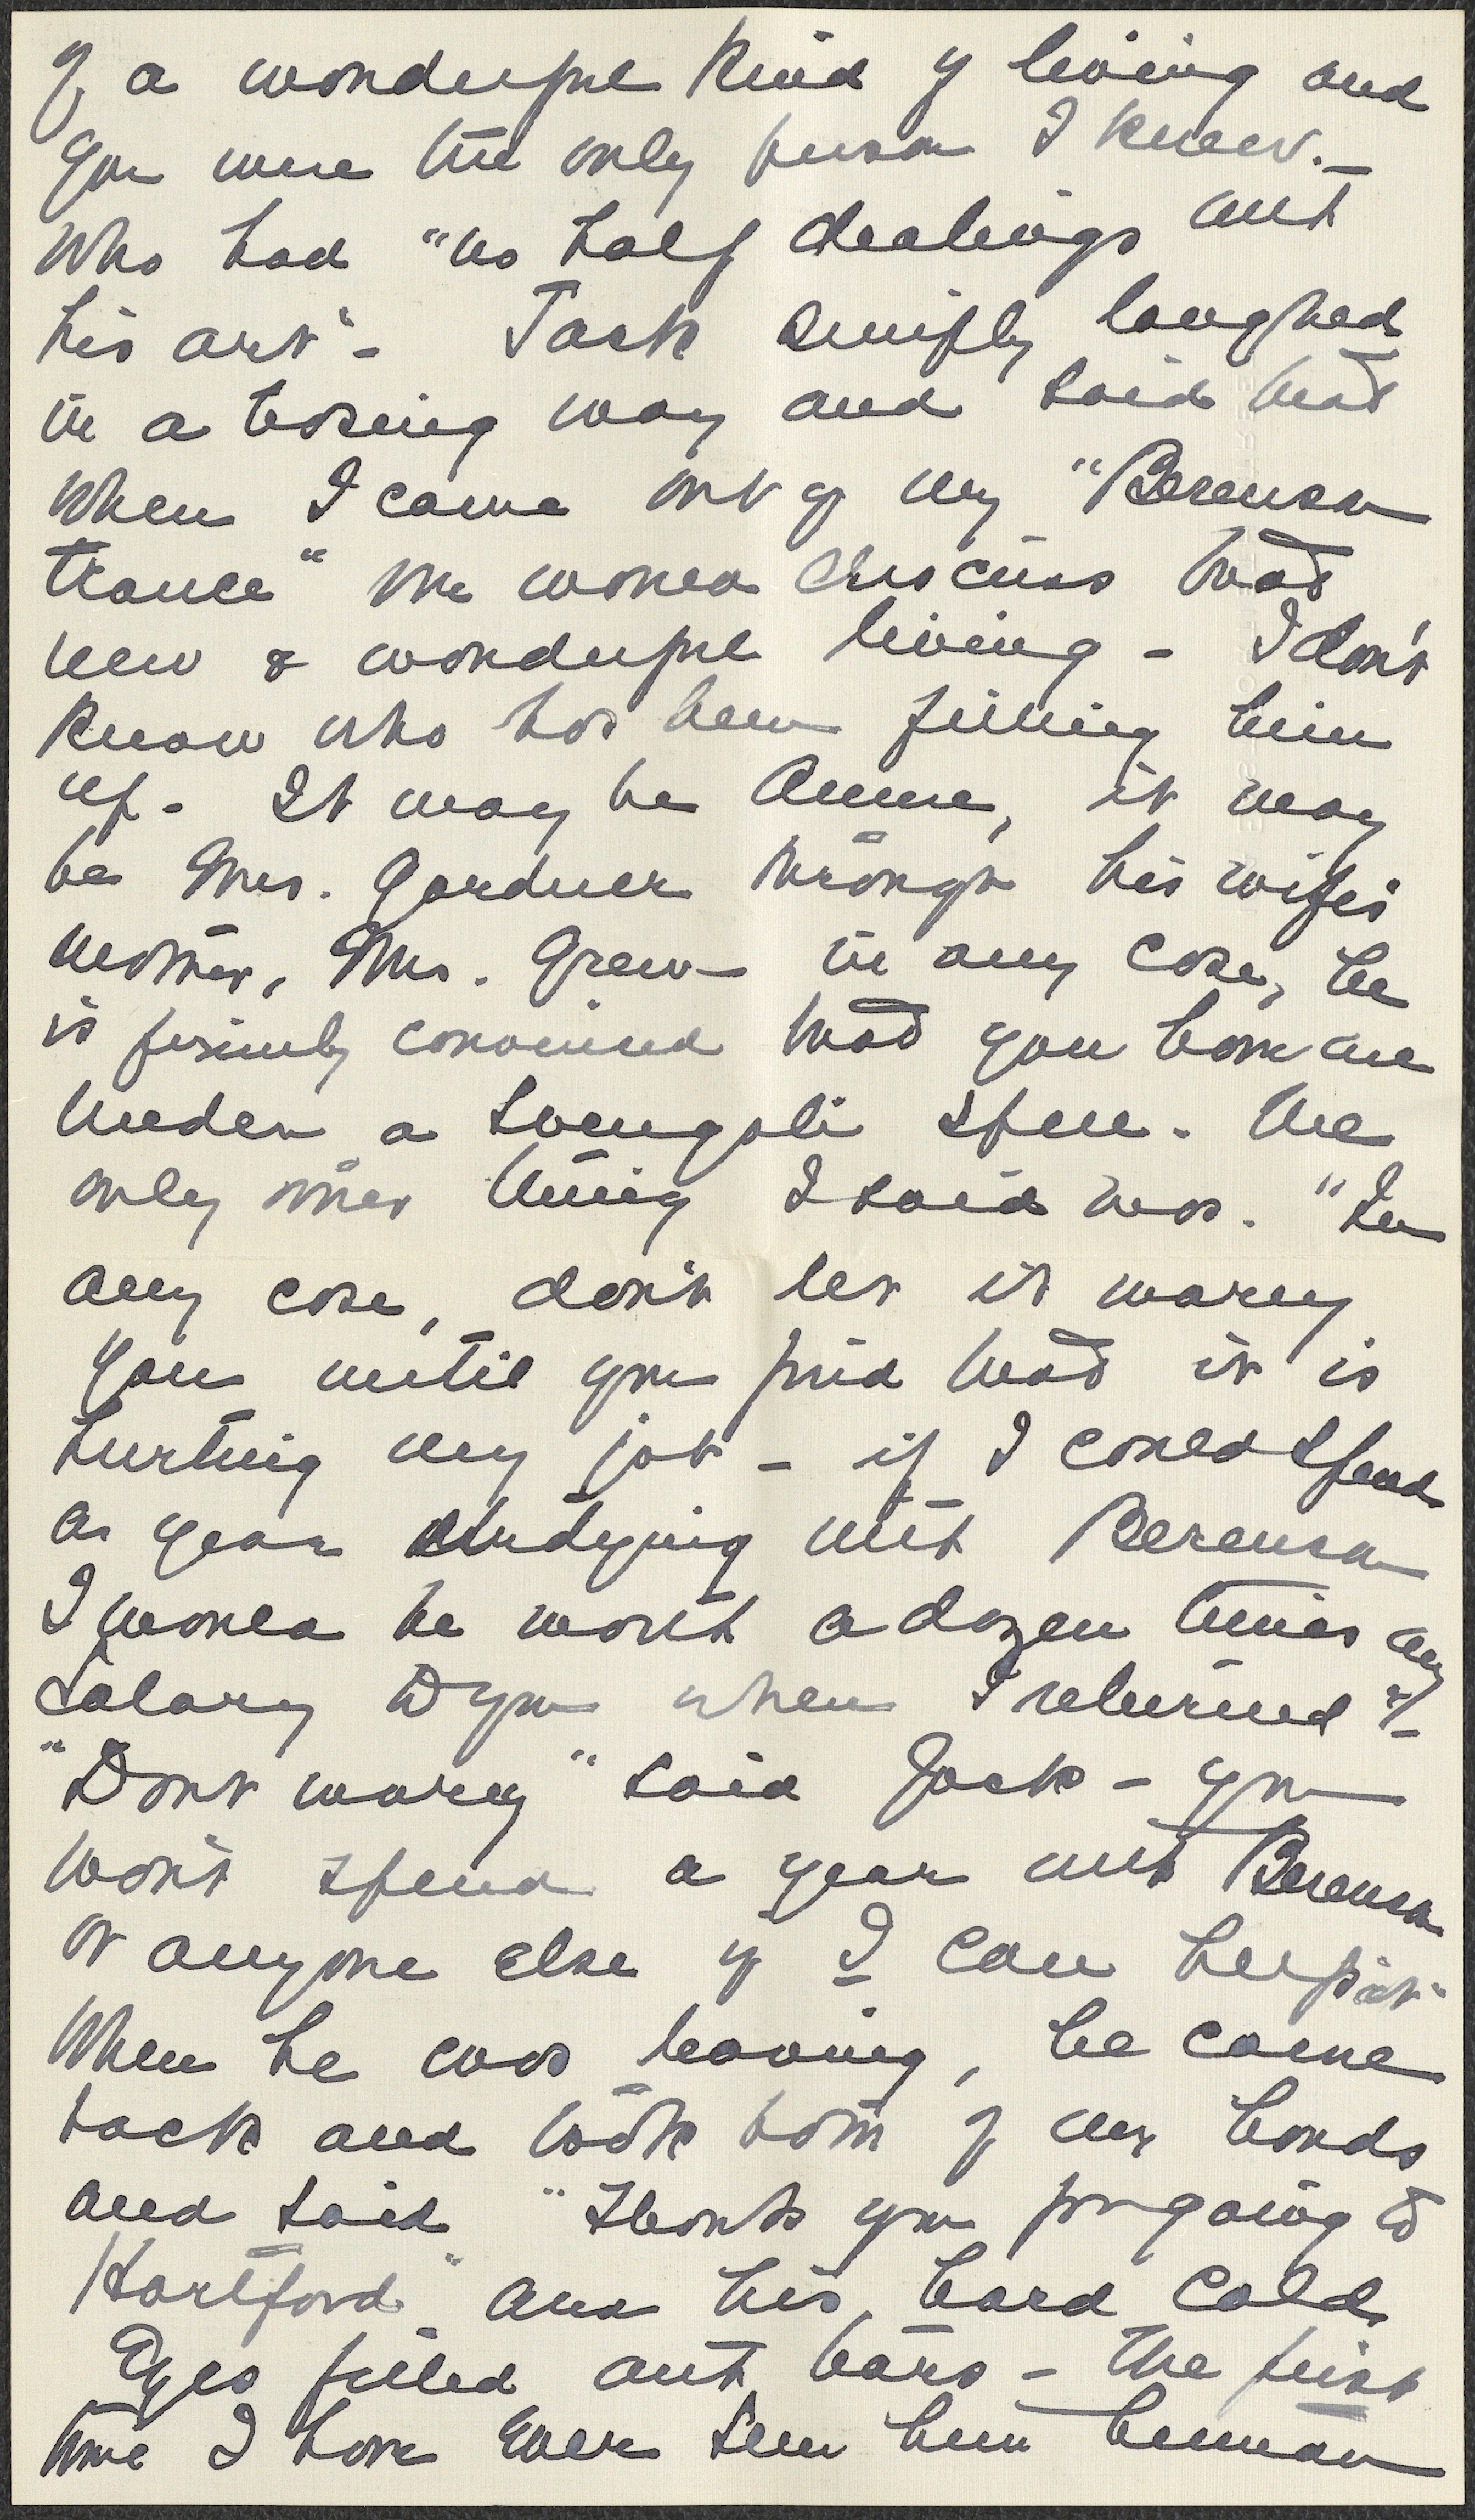of a wonderful kind of living and you were the only person I knew who had “no half dealings with his art” – Jack simply laughed in a teasing way and said that when I came out of my “Berenson trance” we would discuss that new & wonderful living – I don’t know who has been filling him up – It may be Anne, it may be Mrs. Gardner through his wife’s mother, Mrs. Grew – in any case, he is firmly convinced that you have me under a Svengali spell. The only other thing I said was, “In any case, don’t let it worry you until you find that it is hurting my job – if I could spend a year studying with Berenson I would be worth a dozen times my salary to you when I returned” – “Don’t worry” said Jack – you won’t spend a year with Berenson or anyone else if I can help it” When he was leaving, he came back and took both of my hands and said “Thank you for going to Hartford” and his hard cold eyes filled with tears – The first time I have ever seen him human